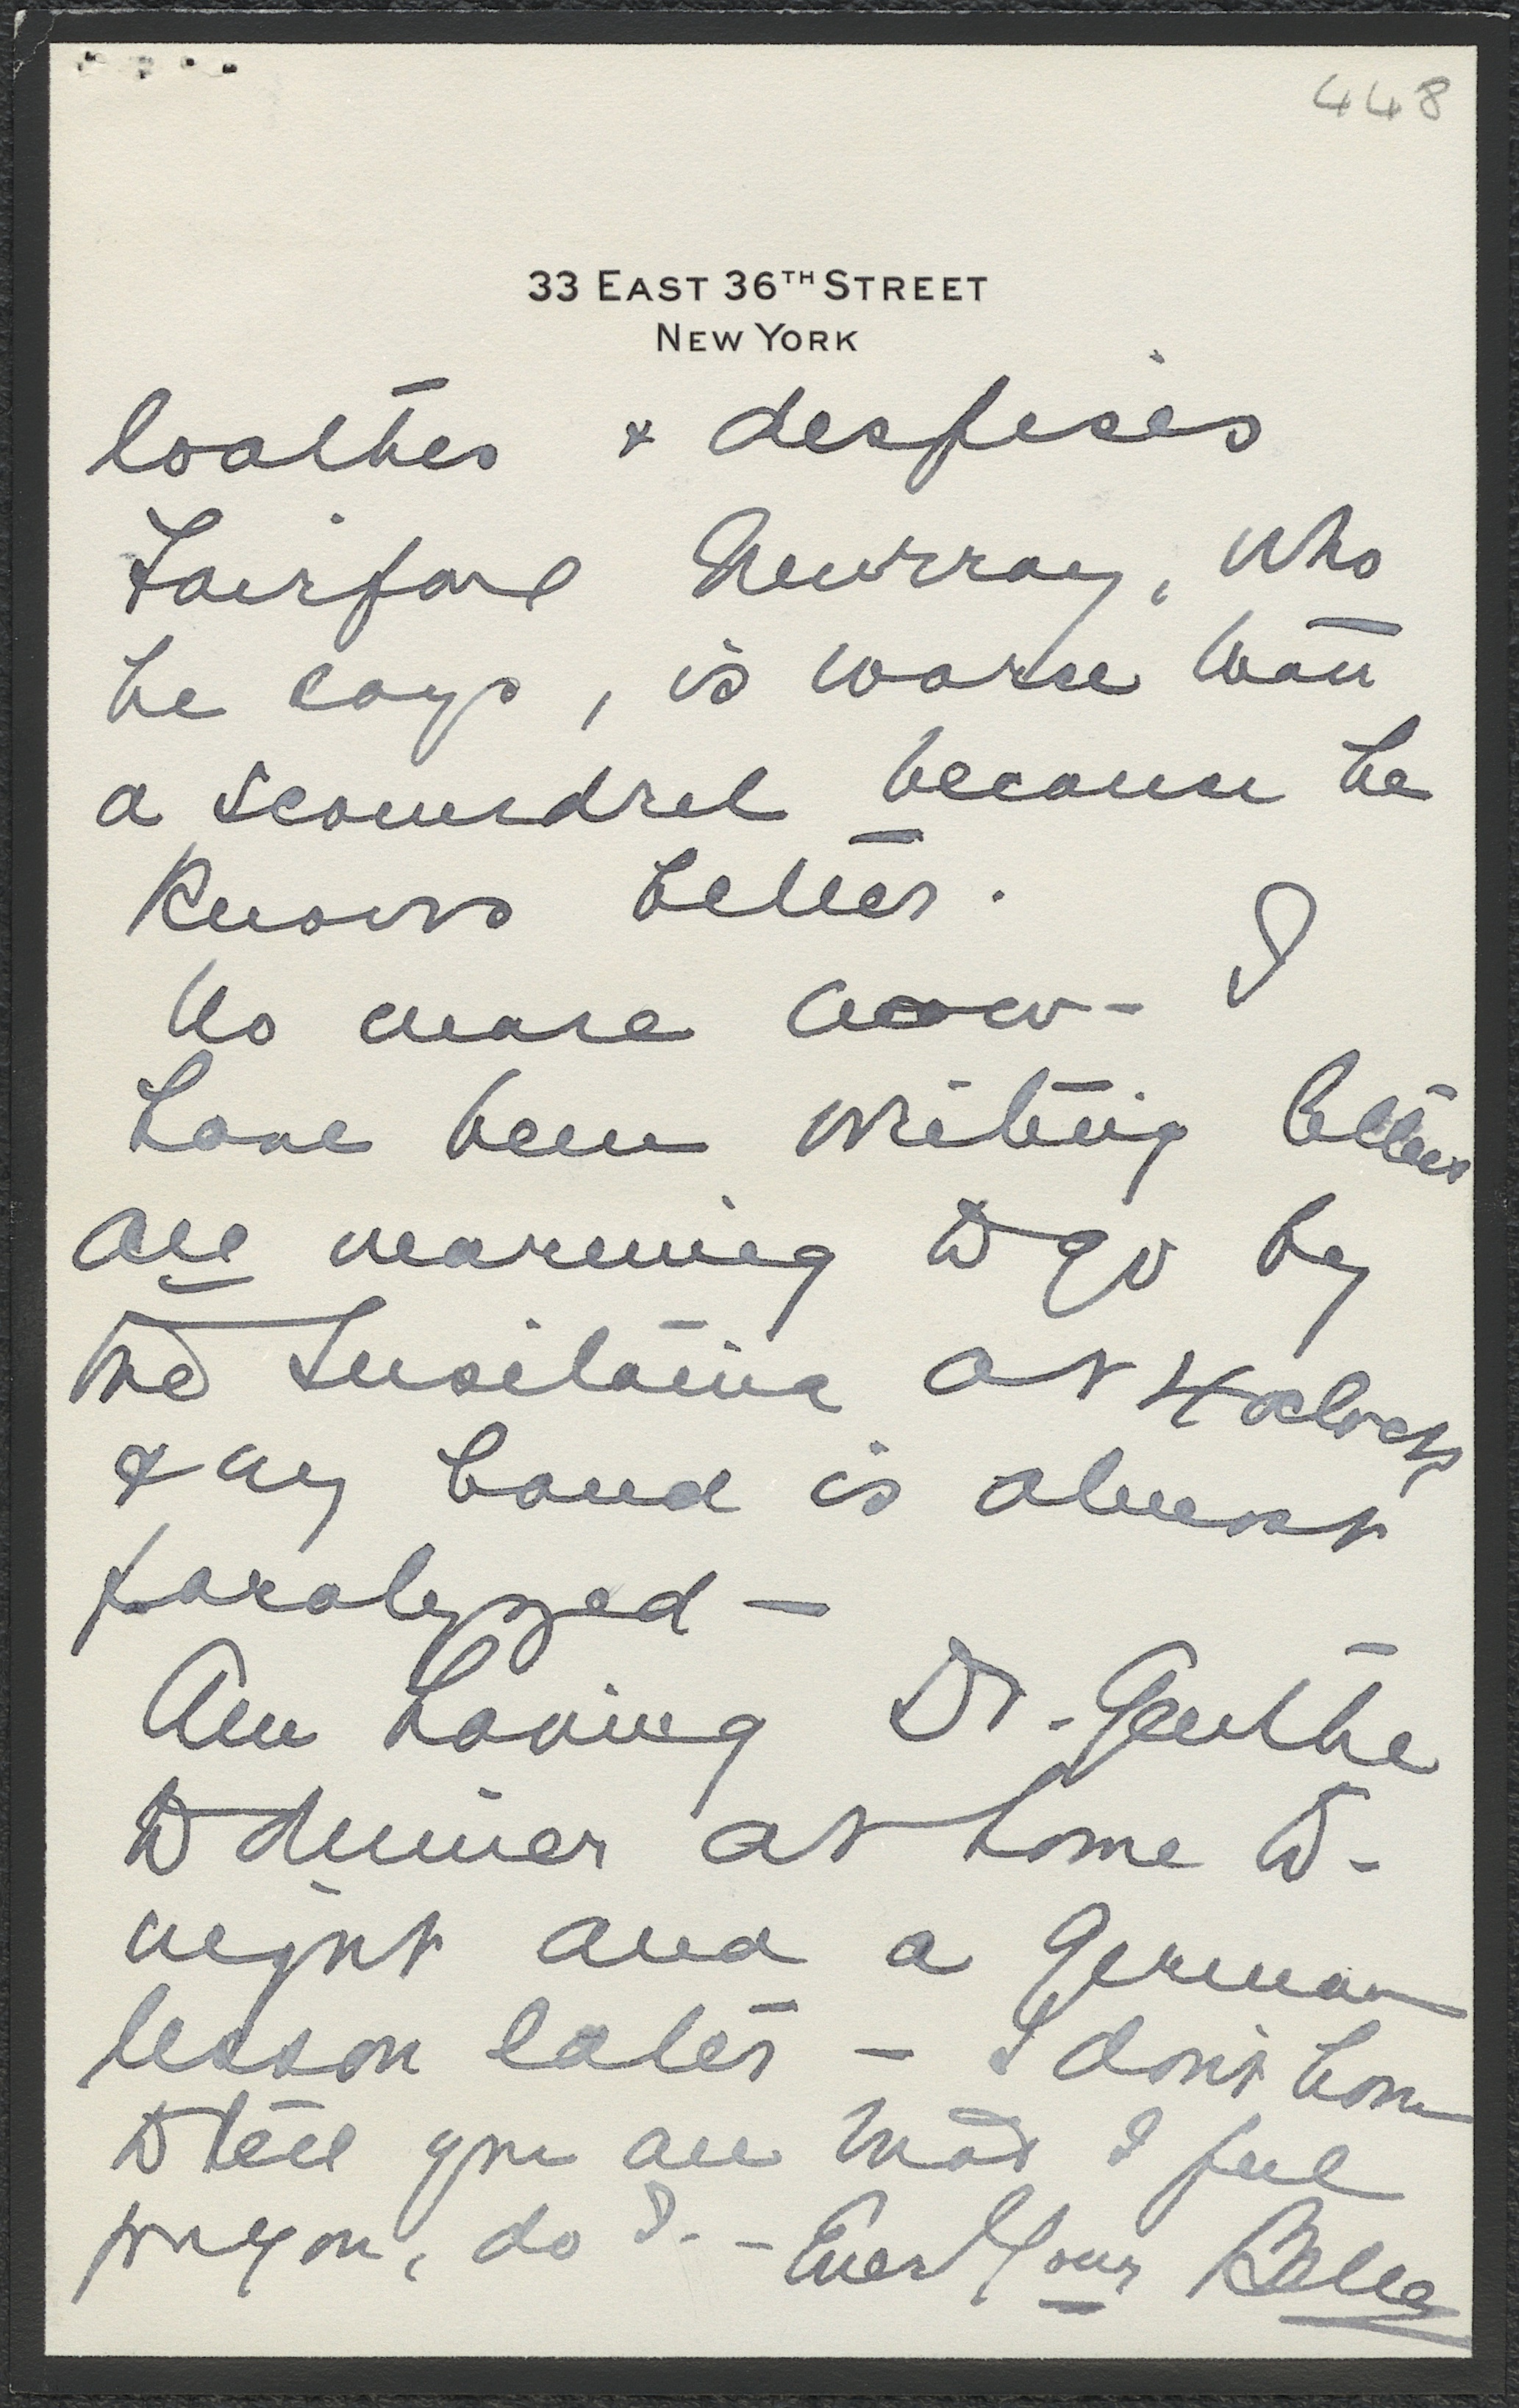loathes and despises Fairfax Murray, who he says, is worse than a scoundrel because he knows better.
No more now – I have been writing letters all morning to go by the Lusitania at 4 oclock & my hand is almost paralyzed –
Am having Dr. Genthe to dinner at home tonight and a German lesson later – I don’t have to tell you all that I feel for you, do I. – Ever Your Belle